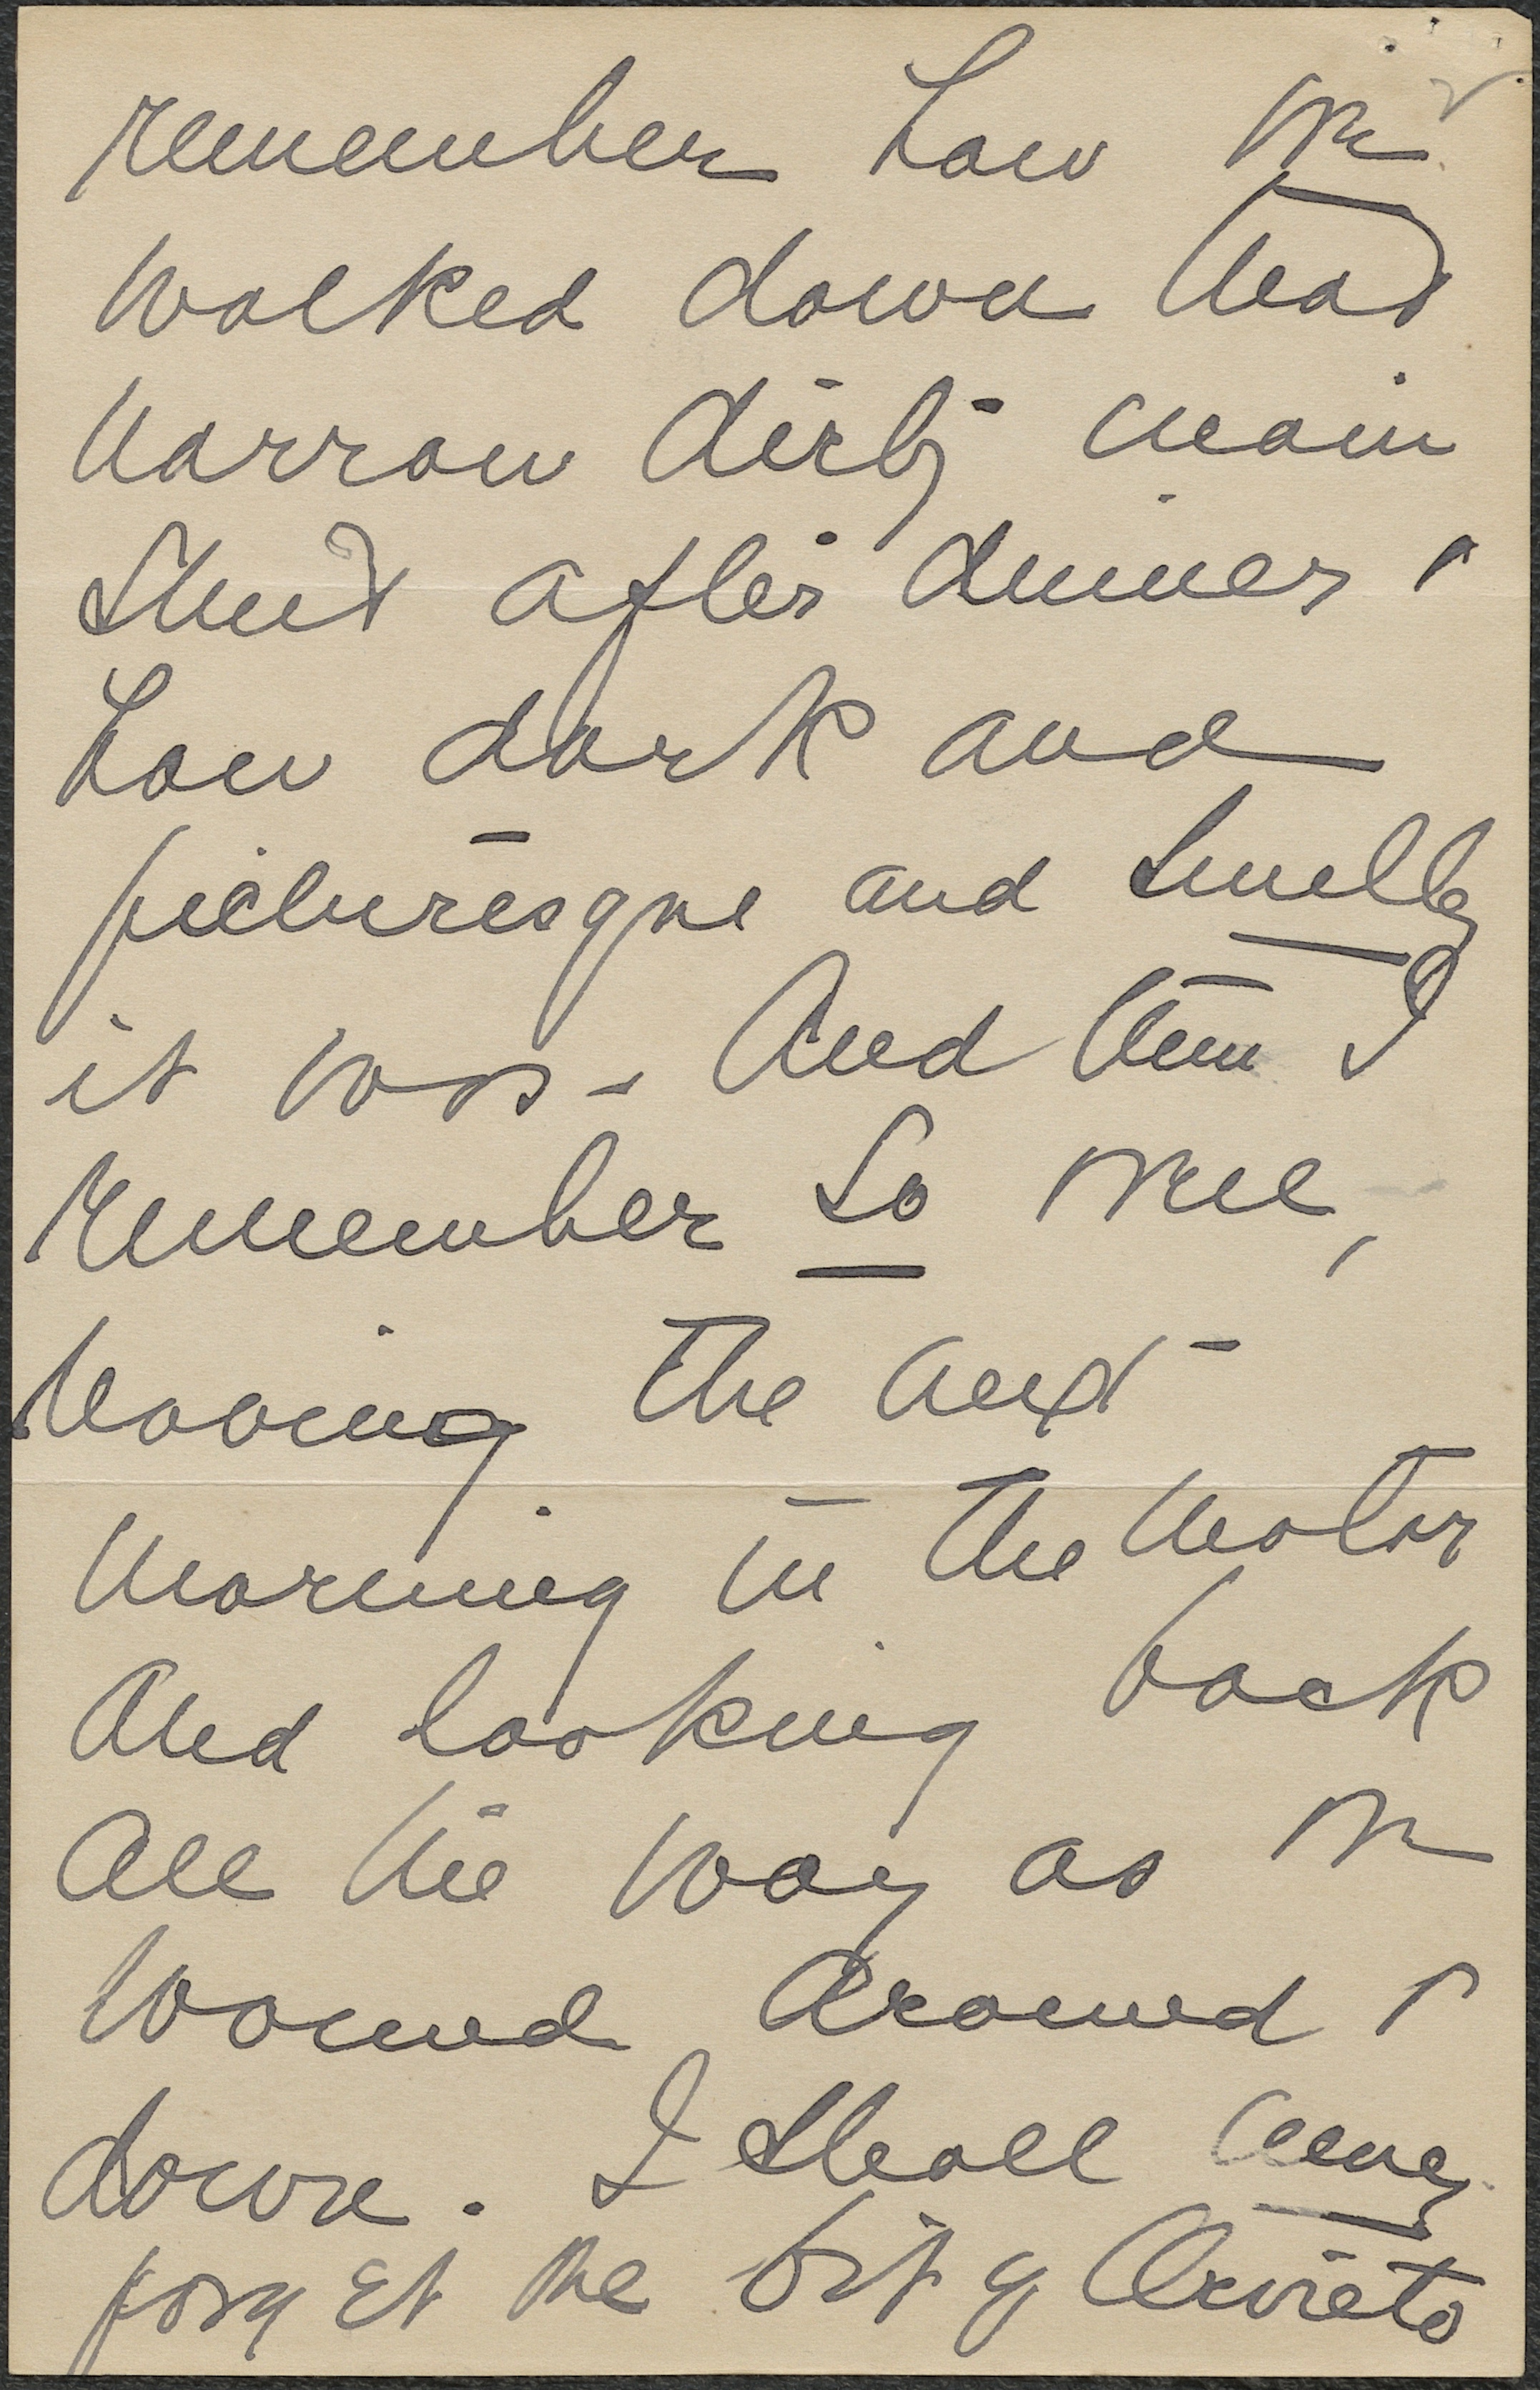remember how we walked down that narrow dirty main street after dinner & how dark and picturesque and smelly it was – And then I remember so well, leaving the next morning in the motor and looking back all the way as we wound around & down. I shall never forget one bit of Orvieto